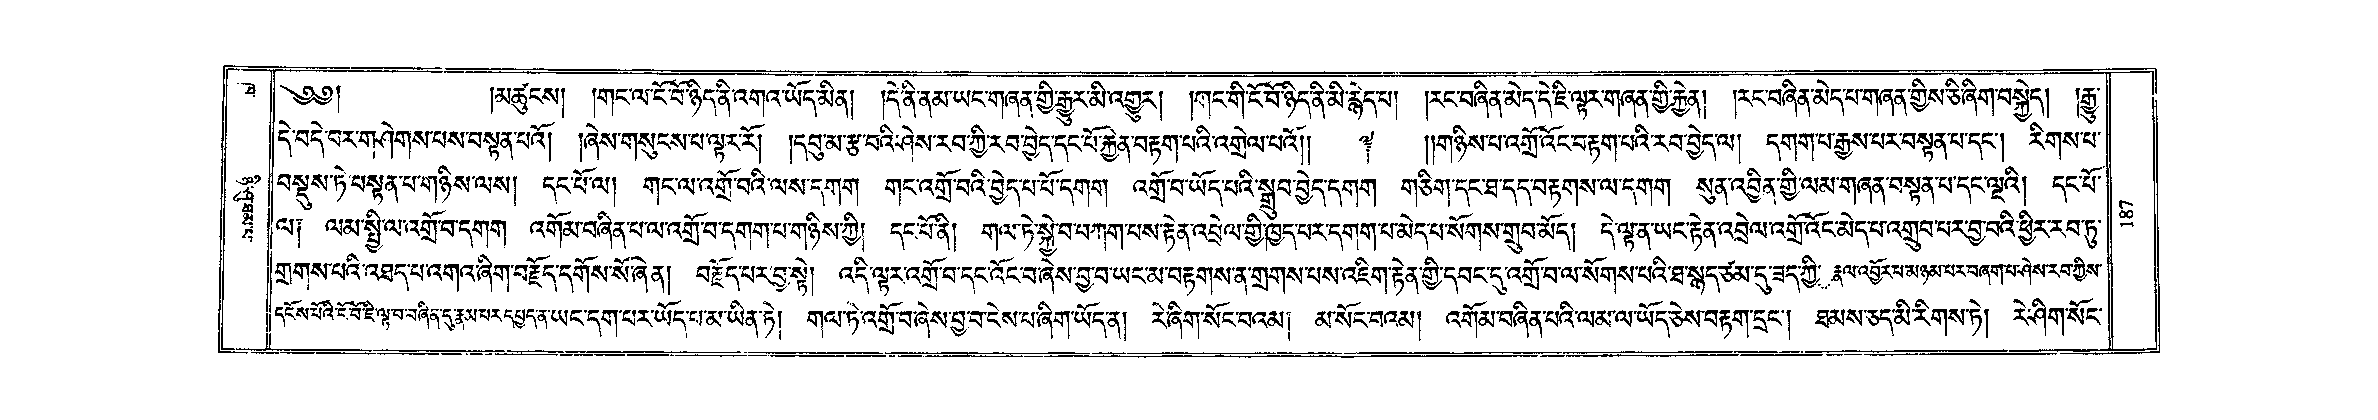༄༅། །མཚུངས། །གང་ལ་ངོ་བོ་ཉིད་ནི་འགའ་ཡོད་མིན། །དེ་ནི་ནམ་ཡང་གཞན་གྱི་རྒྱུར་མི་འགྱུར། །གང་གི་ངོ་བོ་ཉིད་ནི་མི་རྙེད་པ། །རང་བཞིན་མེད་དེ་ཇི་ལྟར་གཞན་གྱི་རྐྱེན། །རང་བཞིན་མེད་པ་གཞན་གྱིས་ཅི་ཞིག་བསྐྱེད། །རྒྱུ་
དེ་བདེ་བར་གཤེགས་པས་བསྟན་པའོ། །ཞེས་གསུངས་པ་ལྟར་རོ། །དབུ་མ་རྩ་བའི་ཤེས་རབ་ཀྱི་རབ་བྱེད་དང་པོ་རྐྱེན་བརྟག་པའི་འགྲེལ་པའོ།། ༈ །།གཉིས་པ་འགྲོ་འོང་བརྟག་པའི་རབ་བྱེད་ལ། དགག་པ་རྒྱས་པར་བསྟན་པ་དང་། རིགས་པ་
བསྡུས་ཏེ་བསྟན་པ་གཉིས་ལས། དང་པོ་ལ། གང་ལ་འགྲོ་བའི་ལས་དགག་གང་འགྲོ་བའི་བྱེད་པ་པོ་དགག་འགྲོ་བ་ཡོད་པའི་སྒྲུབ་བྱེད་དགག་གཅིག་དང་ཐ་དད་བརྟགས་ལ་དགག་སུན་འབྱིན་གྱི་ལམ་གཞན་བསྟན་པ་དང་ལྔའི། དང་པོ་
ལ༑ ལམ་སྤྱི་ལ་འགྲོ་བ་དགག་འགོམ་བཞིན་པ་ལ་འགྲོ་བ་དགག་པ་གཉིས་ཀྱི། དང་པོ་ནི། གལ་ཏེ་སྐྱེ་བ་བཀག་པས་རྟེན་འབྲེལ་གྱི་ཁྱད་པར་དགག་པ་མེད་པ་སོགས་གྲུབ་མོད། དེ་ལྟ་ན་ཡང་རྟེན་འབྲེལ་འགྲོ་འོང་མེད་པ་འགྲུབ་པར་བྱ་བའི་ཕྱིར་རབ་ཏུ་
གྲགས་པའི་འཐད་པ་འགའ་ཞིག་བརྗོད་དགོས་སོ་ཞེ་ན། བརྗོད་པར་བྱ་སྟེ། འདི་ལྟར་འགྲོ་བ་དང་འོང་བ་ཞེས་བྱ་བ་ཡང་མ་བརྟགས་ན་གྲགས་པས་འཇིག་རྟེན་གྱི་དབང་དུ་འགྲོ་བ་ལ་སོགས་པའི་ཐ་སྙད་ཙམ་དུ་ཟད་ཀྱི་རྣལ་འབྱོར་པ་མཉམ་པར་བཞག་པ་ཤེས་རབ་ཀྱིས་
དངོས་པོའི་ངོ་བོ་ཇི་ལྟ་བ་བཞིན་དུ་རྣམ་པར་དཔྱད་ན་ཡང་དག་པར་ཡོད་པ་མ་ཡིན་ཏེ། གལ་ཏེ་འགྲོ་བ་ཞེས་བྱ་བ་ངེས་པ་ཞིག་ཡོད་ན། རེ་ཞིག་སོང་བའམ། མ་སོང་བའམ། འགོམ་བཞིན་པའི་ལམ་ལ་ཡོད་ཅེས་བརྟག་དྲང་། ཐམས་ཅད་མི་རིགས་ཏེ། རེ་ཤིག་སོང་